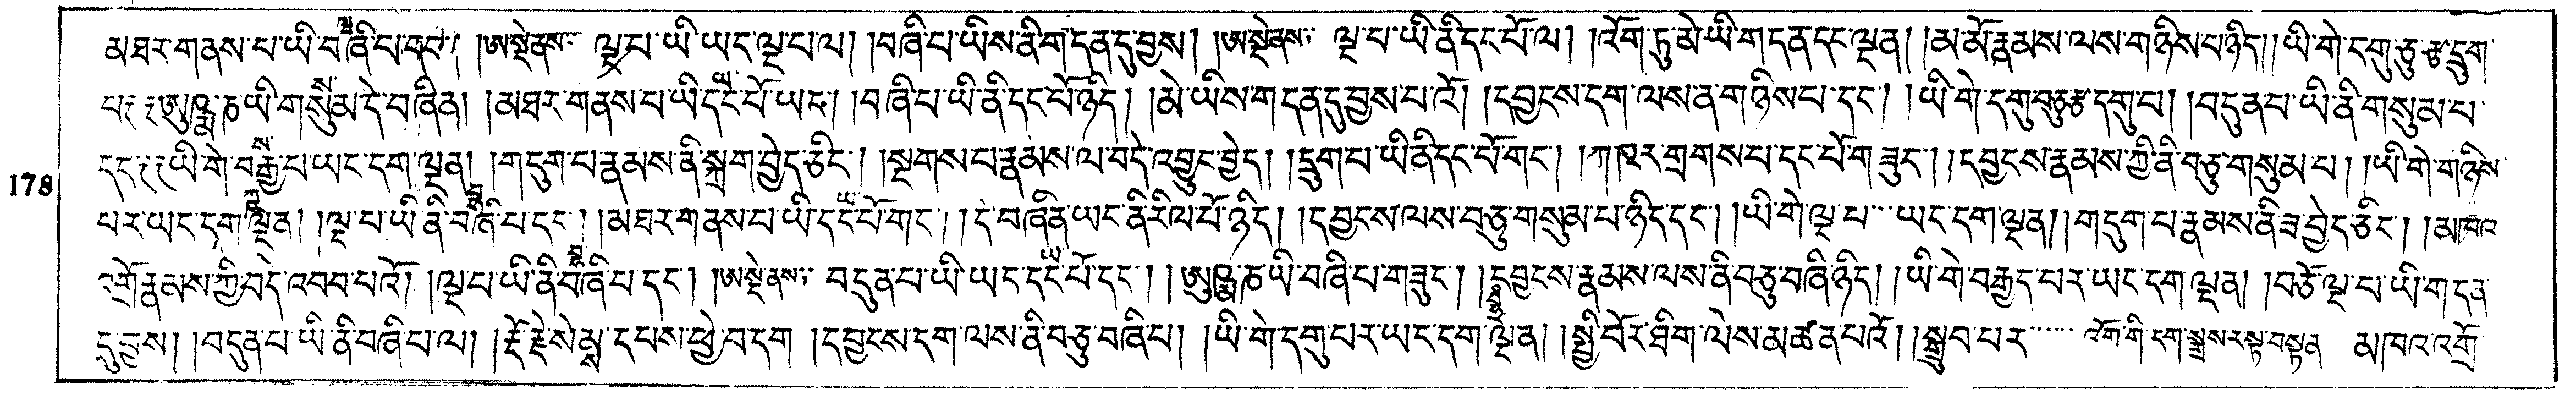མཐར་གནས་པ་ཡི་བཞི་པ་དང་། །ཨ་སྡེ་ནས་ལྔ་པ་ཡི་ཡང་ལྔ་པ་ལ། །བཞི་པ་ཡིས་ནི་གདན་དུ་བྱས། །ཨ་སྡེ་ནས༑ ལྔ་པ་ཡི་ནི་དང་པོ་ལ། །འོག་ཏུ་མེ་ཡི་གདན་དང་ལྡན། །མ་མོ་རྣམས་ལས་གཉིས་པ་ཉིད། །ཡི་གེ་དགུ་ཅུ་རྩ་དྲུག་
པ༑ ༑ཨུཥྨ་ཎ་ཡི་གསུམ་དེ་བཞིན། །མཐར་གནས་པ་ཡི་དང་པོ་ཡང་། །བཞི་པ་ཡི་ནི་དང་པོ་ཉིད། །མེ་ཡིས་གདན་དུ་བྱས་པ་འོ། །དབྱངས་དག་ལས་ན་གཉིས་པ་དང་། །ཡི་གེ་དགུ་བཅུ་རྩ་དགུ་པ། །བདུན་པ་ཡི་ནི་གསུམ་པ་
དང༑ ༑ཡི་གེ་བརྒྱ་པ་ཡང་དག་ལྡན། །གདུག་པ་རྣམས་ནི་སྐྲག་བྱེད་ཅིང་། །སྔགས་པ་རྣམས་ལ་བདེ་འབྱུང་བྱེད། །དྲུག་པ་ཡི་ནི་དང་པོ་གང་། །ཀ་ཥར་གྲགས་པ་དང་པོ་གཟུང་། །དབྱངས་རྣམས་ཀྱི་ནི་བཅུ་གསུམ་པ། །ཡི་གེ་གཉིས་
པར་ཡང་དག་ལྡན། །ལྔ་པ་ཡི་ནི་བཞི་པ་དང་། །མཐར་གནས་པ་ཡི་དང་ཡ་པོ་དང་། །དེ་བཞིན་ཡང་ནི་རིལ་པོ་ཉིད། །དབྱངས་ལས་བཅུ་གསུམ་པ་ཉིད་དང་། །ཡི་གེ་ལྔ་པ་ཡང་དག་ལྡན། །གདུག་པ་རྣམས་ནི་ཟ་བྱེད་ཅིང་། །མཁའ་
འགྲོ་རྣམས་ཀྱི་བདེ་འབབ་པའོ། །ལྔ་པ་ཡི་ནི་བཞི་པ་དང་། །ཨ་སྡེ་ནས༑ བདུན་པ་ཡི་ཡང་དང་པོ་དང་། །ཨུཥྨ་ཎ་ཡི་བཞི་པ་གཟུང་། །དབྱངས་རྣམས་ལས་ནི་བཅུ་བཞི་ཉིད། །ཡི་གེ་བརྒྱད་པར་ཡང་དག་ལྡན། །བཅོ་ལྔ་པ་ཡི་གདན་
དུ་བྱས། །བདུན་པ་ཡི་ནི་བཞི་པ་ལ། །རྡོ་རྗེ་སེམས་དཔས་ཕྱེ་བ་དག །དབྱངས་དག་ལས་ནི་བཅུ་བཞི་པ། །ཡི་གེ་དགུ་པར་ཡང་དག་ལྡན། །སྤྱི་བོར་ཐིག་ལེས་མཚན་པའོ། །སྒྲུབ་པར་འོག་གི་ངག་སྒྲས་ར་སྟ་བསྟན་མཁའ་འགྲོ་